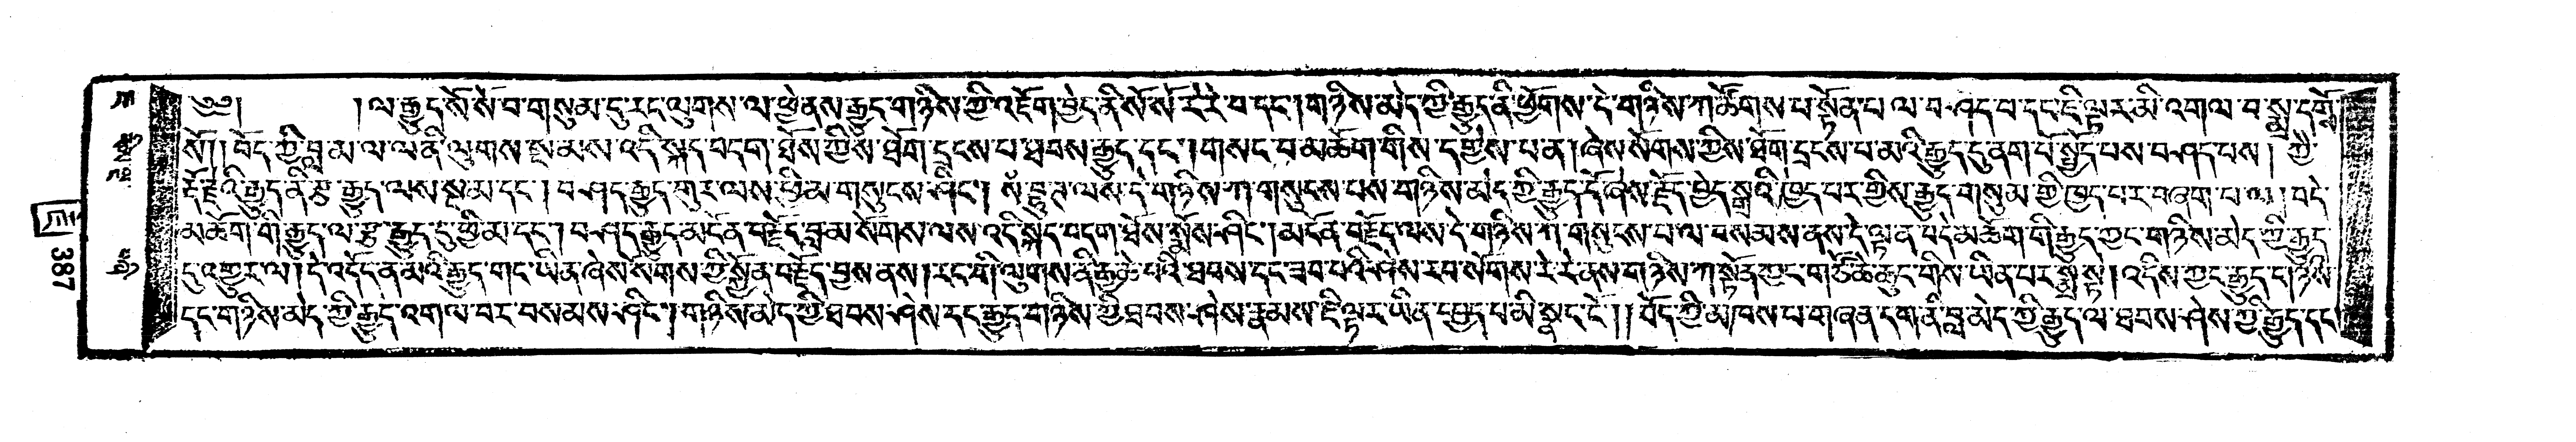༄༅། །ལ་རྒྱུད་སོ་སོ་བ་གསུམ་དུ་རང་ལུགས་ལ་ཕྱི་ནས་རྒྱུད་གཉིས་ཀྱི་འཇོག་བྱེད་ནི་སོ་སོ་རེ་རེ་བ་དང་། གཉིས་མེད་ཀྱི་རྒྱུད་ནི་ཕྱོགས་དེ་གཉིས་ཀ་ཚོགས་པ་སྟོན་པ་ལ་བཤད་པ་དང་ཇི་ལྟར་མི་འགལ་བ་སྨྲ་དགོས་སོ། །བོད་ཀྱི་བླ་མ་ལ་ལ་ནི་ལུགས་སྔ་མས་འདི་སྐད་བདག་ཐོས་ཀྱིས་ཐོག་དྲངས་པ་ཐབས་རྒྱུད་དང་། གསང་བ་མཆོག་གིས་དགྱེས་པ་ན། ཞེས་སོགས་ཀྱིས་ཐོག་དྲངས་པ་མའི་རྒྱུད་དུ་ནག་པོ་སྤྱོད་པས་བཤད་པས། ཀྱཻ་
རྡོ་རྗེའི་རྒྱུད་ནི་རྩ་རྒྱུད་ལས་སྔ་མ་དང་། བཤད་རྒྱུད་གུར་ལས་ཕྱི་མ་གསུངས་ཤིང་། སཾ་བྷུ་ཊ་ལས་དེ་གཉིས་ཀ་གསུངས་པས་གཉིས་མེད་ཀྱི་རྒྱུད་དོ་ཞེས་རྗོད་བྱེད་སྒྲའི་ཁྱད་པར་གྱིས་རྒྱུད་གསུམ་གྱི་ཁྱད་པར་བཞག་པ་ལ། བདེ་
མཆོག་གི་རྒྱུད་ལ་རྩ་རྒྱུད་དུ་ཕྱི་མ་དང་། བཤད་རྒྱུད་མངོན་བརྗོད་བླ་མ་སོགས་ལས་འདི་སྐད་བདག་ཐོས་སྨོས་ཤིང་། མངོན་བརྗོད་ལས་དེ་གཉིས་ཀ་གསུངས་པ་ལ་བསམས་ནས་དེ་ལྟ་ན་བདེ་མཆོག་གི་རྒྱུད་ཀྱང་གཉིས་མེད་ཀྱི་རྒྱུད་
དུ་འགྱུར་ལ། དེ་འདོད་ན་མའི་རྒྱུད་གང་ཡིན་ཞེས་སོགས་ཀྱི་སྐྱོན་བརྗོད་བྱས་ནས། རང་གི་ལུགས་ནི་རྒྱ་ཆེ་བའི་ཐབས་དང་ཟབ་པའི་ཤེས་རབ་སོགས་རེ་རེ་ནས་གཉིས་ཀ་སྟོན་ཀྱང་གཙོ་ཆེ་ཆུང་གིས་ཡིན་པར་སྨྲ་སྟེ། འདིས་ཀྱང་རྒྱུད་གཉིས་
དང་གཉིས་མེད་ཀྱི་རྒྱུད་འགལ་བར་བསམས་ཤིང་། གཉིས་མེད་ཀྱི་ཐབས་ཤེས་དང་རྒྱུད་གཉིས་ཀྱི་ཐབས་ཤེས་རྣམས་ཇི་ལྟར་ཡིན་དཔྱད་པ་མི་སྣང་ངོ། །བོད་ཀྱི་མཁས་པ་གཞན་དག་ནི་བླ་མེད་ཀྱི་རྒྱུད་ལ་ཐབས་ཤེས་ཀྱི་རྒྱུད་དང་